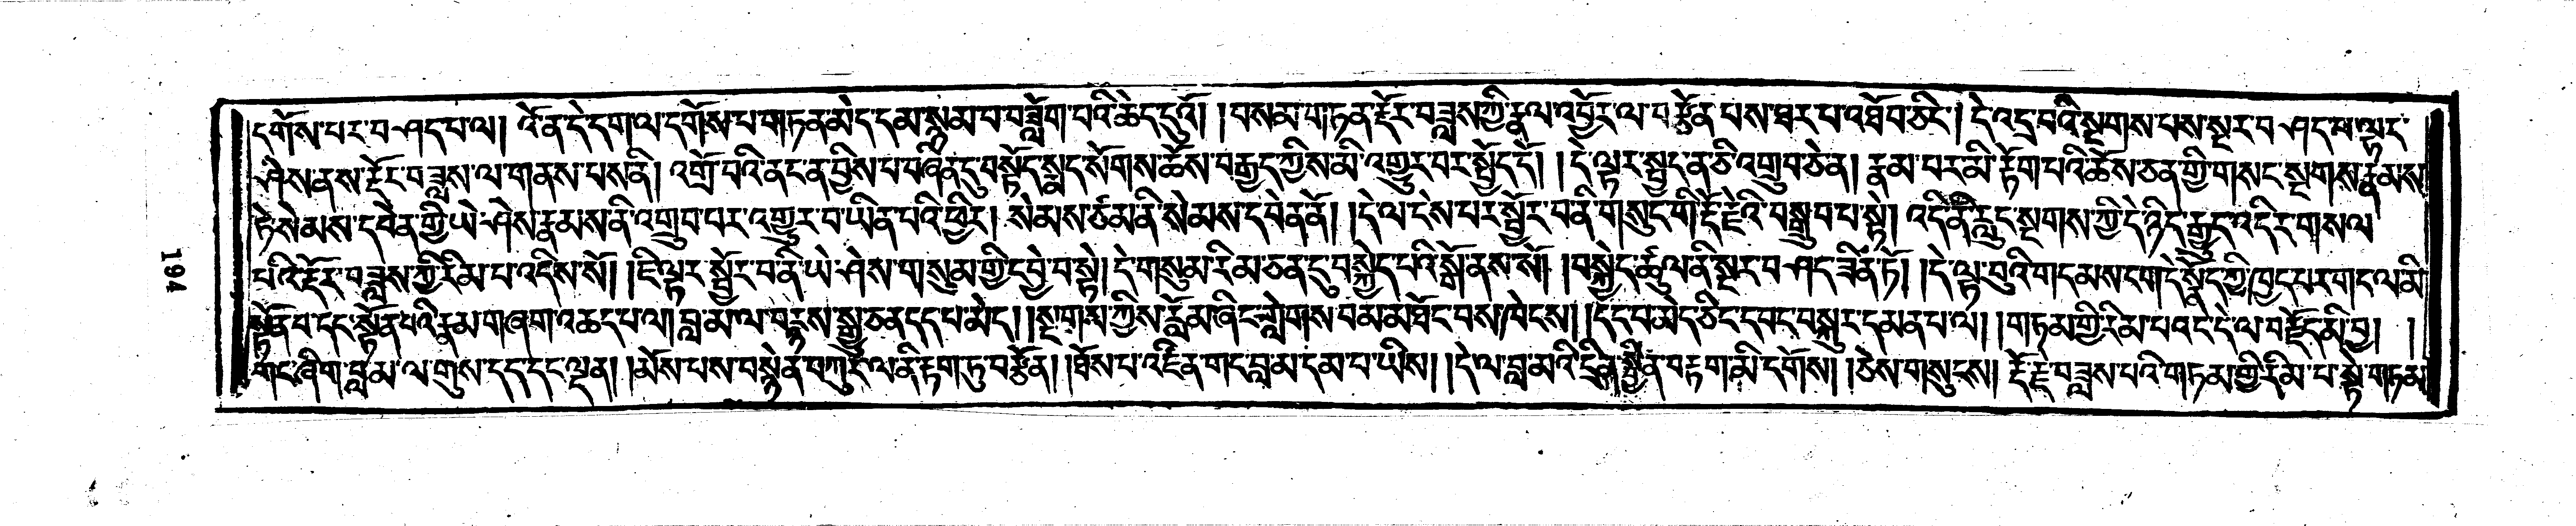དགོས་པར་བཤད་པ་ལ། འོ་ན་དེ་དག་ལ་དགོས་པ་གཏན་མེད་དམ་སྙམ་པ་བཟློག་པའི་ཆེད་དུའོ། །བསམ་གཏན་རྡོར་བཟླས་ཀྱི་རྣལ་འབྱོར་ལ་བརྩོན་པས་ཐར་པ་འཐོབ་ཅིང་། དེ་འདྲ་བའི་སྔགས་པས་སྔར་བཤད་པ་ལྟར་
ཤེས་ནས་རྡོར་བཟླས་ལ་གནས་པས་ནི། འགྲོ་བའི་ནང་ན་བྱིས་པ་བཞིན་དུ་བསྟོད་སྨད་སོགས་ཆོས་བརྒྱད་ཀྱིས་མི་འགྱུར་བར་སྤྱོད་དོ། །དེ་ལྟར་སྤྱད་ན་ཅི་འགྲུབ་ཅེ་ན། རྣམ་པར་མི་རྟོག་པའི་ཆོས་ཅན་གྱི་གསང་སྔགས་རྣམས་
ཏེ་སེམས་དབེན་གྱི་ཡེ་ཤེས་རྣམས་ནི་འགྲུབ་པར་འགྱུར་བ་ཡིན་པའི་ཕྱིར། སེམས་ཙམ་ནི་སེམས་དབེན་ནོ། །དེ་ལ་ངེས་པར་སྦྱོར་བ་ནི་གསུང་གི་རྡོ་རྗེའི་བསྒྲུབ་པ་སྟེ། འདི་ནི་རླུང་སྔགས་ཀྱི་དེ་ཉིད་རྒྱུད་འདིར་གསལ་
པའི་རྡོར་བཟླས་ཀྱི་རིམ་པ་འདིས་སོ། །ཇི་ལྟར་སྦྱོར་བ་ནི་ཡེ་ཤེས་གསུམ་གྱི་དབྱེ་བ་སྟེ། དེ་གསུམ་རིམ་ཅན་དུ་བསྐྱེད་པའི་སྒོ་ནས་སོ། །བསྐྱེད་ཚུལ་ནི་སྔར་བཤད་ཟིན་ཏོ། །དེ་ལྟ་བུའི་གདམས་ངག་དེ་སྣོད་ཀྱི་ཁྱད་པར་གང་ལ་མི་
སྟོན་པ་དང་སྟོན་པའི་རྣམ་གཞག་འཆད་པ་ལ། བླ་མ་ལ་བརྙས་སྒྱུ་ཅན་དད་པ་མེད། །སྔགས་ཀྱིས་རློམ་ཞིང་གླེགས་བམ་མཐོང་བས་ཁེངས། །དད་པ་མེད་ཅིང་དབང་བསྐུར་དམན་པ་ལ། །གཏམ་གྱི་རིམ་པའང་དེ་ལ་བརྗོད་མི་བྱ། །
གང་ཞིག་བླ་མ་ལ་གུས་དད་དང་ལྡན། །མོས་པས་བསྙེན་བཀུར་ལ་ནི་རྟག་ཏུ་བརྩོན། །ཐོས་པ་འཛིན་གང་བླ་མ་དམ་པ་ཡིས། །དེ་ལ་བླ་མའི་དྲིན་སྦྱིན་བརྟག་མི་དགོས། །ཅེས་གསུངས། རྡོ་རྗེ་བཟླས་པའི་གཏམ་གྱི་རིམ་པ་སྟེ་གཏམ་